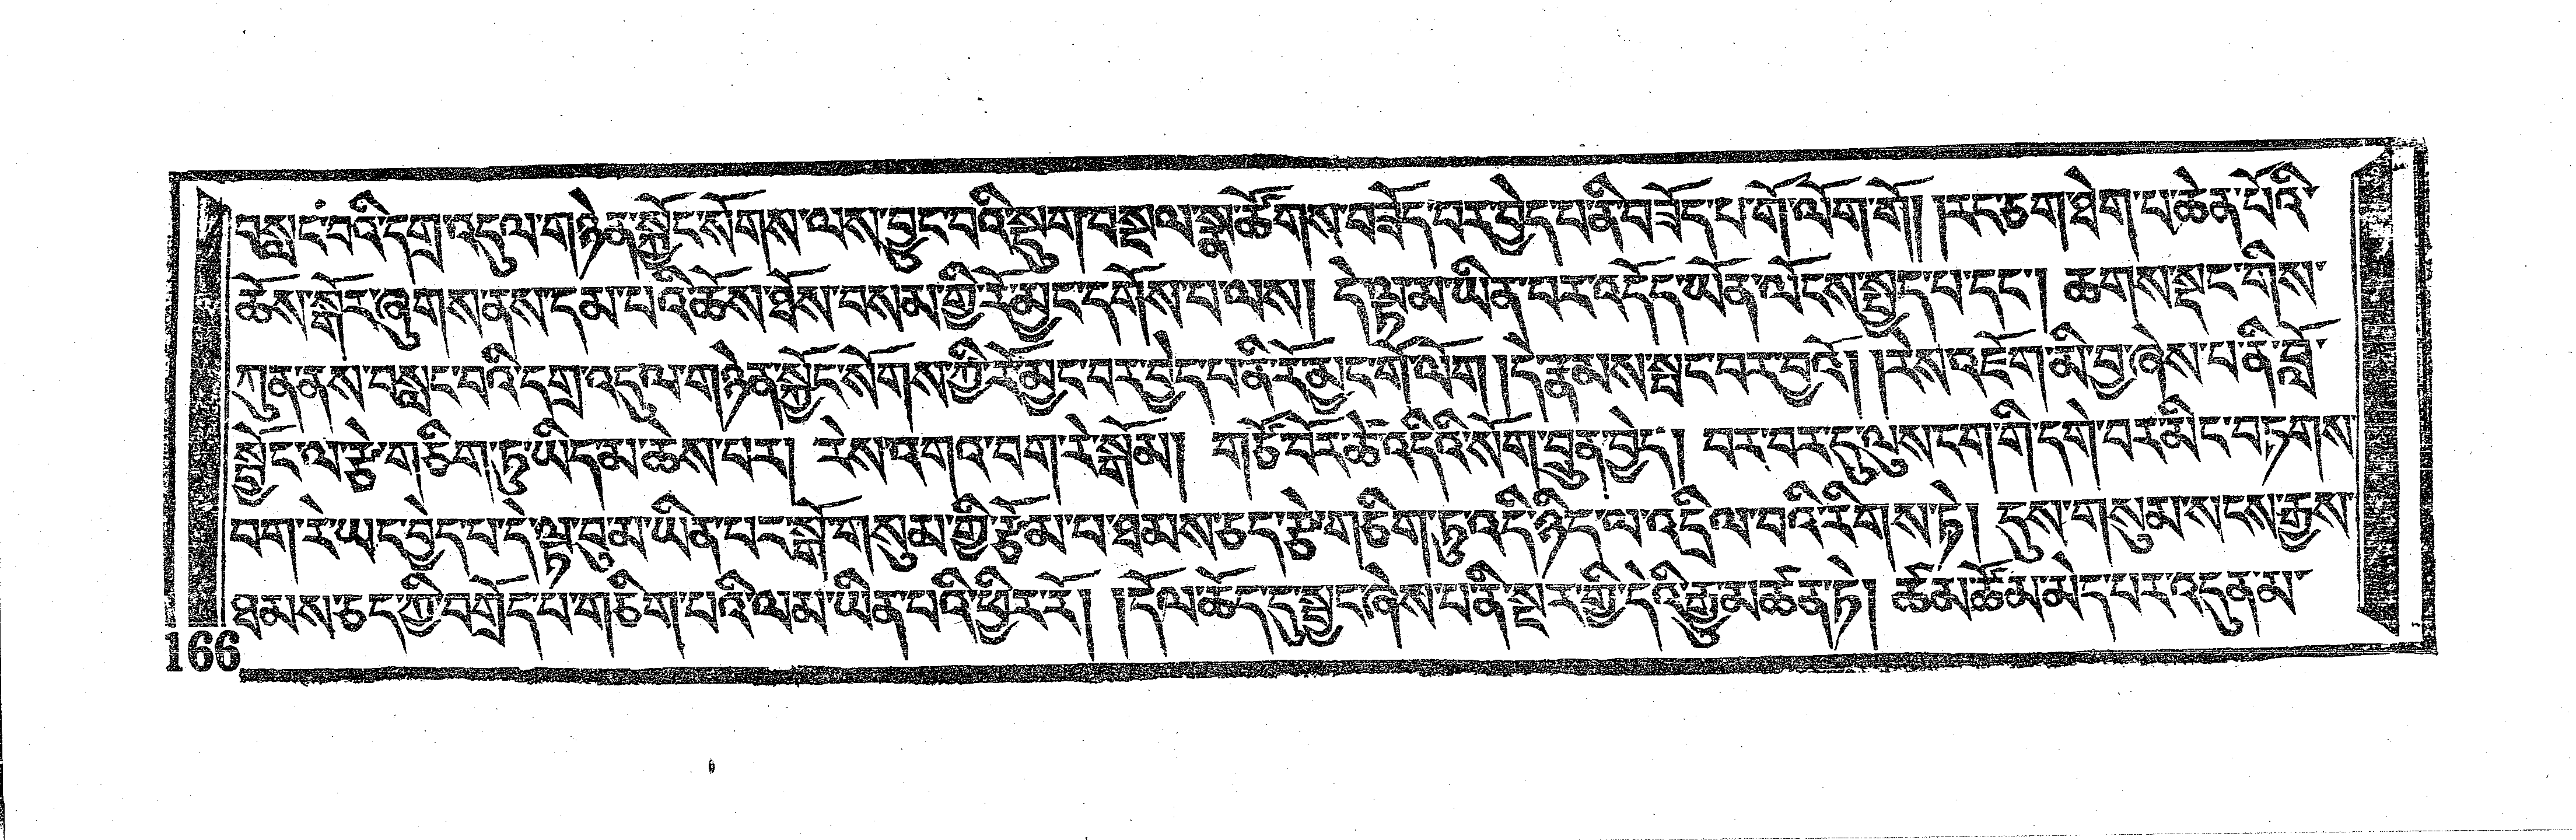བསླང་བའི་དགྲ་འདུལ་གཉེན་སྐྱོང་སོགས་ལས་བྱུང་བའི་སྡུག་བསྔལ་སྣ་ཚོགས་བཟོད་པར་བྱེད་པ་ནི་བཟོད་པ་གོ་ལོག་གོ ། །རང་ཅག་ཐེག་པ་ཆེན་པོའི་
ཆོས་སྒོར་ཞུགས་ནས་དམ་པའི་ཆོས་ཐོས་བསམ་གྱི་རོ་མྱང་དགོས་པ་ལས། དེ་ལྟ་མ་ཡིན་པར་འདོད་ཡོན་ལོངས་སྤྱད་པ་དང་། ཆགས་སྡང་གིས་
ཀུན་ནས་བསླང་བའི་དགྲ་འདུལ་གཉེན་སྐྱོང་སོགས་ཀྱི་རོ་མྱང་བར་བྱེད་པ་ནི་རོ་མྱང་གོ་ལོག །དེ་རྣམས་སྤང་བར་བྱའོ། །རེས་འཇོག་མི་བྱ་ཞེས་པ་ནི་བློ་
སྦྱོང་ལ་རྩེ་གཅིག་ཏུ་ཡིད་མ་ཆེས་པར། རེས་འགའ་བག་རེ་སྒོམ། གཙོ་བོར་ཚེ་འདིའི་སོག་བྲུན་བྱེད། བར་བར་དུ་ལུས་ངག་གི་དགེ་བར་མིང་བཏགས་
བག་རེ་ཡང་བྱེད་པ་དེ་ལྟ་བུ་མ་ཡིན་པར་སྒོ་གསུམ་གྱི་རྩོམ་པ་ཐམས་ཅད་རྩེ་གཅིག་ཏུ་འདི་ཉིད་ལ་འདྲིལ་བའི་རིགས་ཏེ། དུས་གསུམ་སངས་རྒྱས་
ཐམས་ཅད་ཀྱི་བགྲོད་པ་གཅིག་པའི་ལམ་ཡིན་པའི་ཕྱིར་རོ། །དོལ་ཆོད་དུ་སྦྱང་ཞེས་པ་ནི་སྔར་གྱི་དེའི་རྒྱུ་མཚན་ཏེ། ཚམ་ཚོམ་མེད་པར་འདུན་མ་